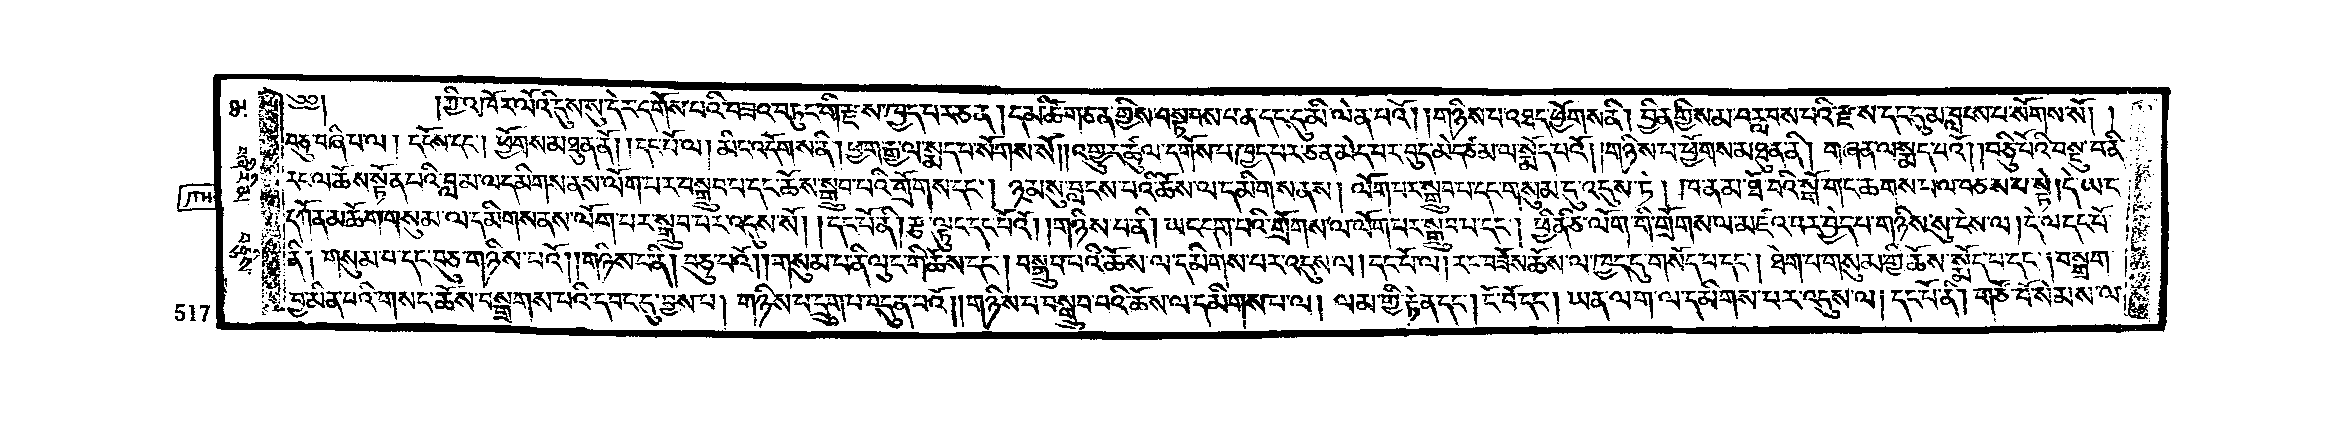༄༅། །ཀྱི་འཁོར་ལོའི་དུས་སུ་དེར་དགོས་པའི་བཟའ་བཏུང་གི་རྫས་ཁྱད་པར་ཅན། དམ་ཚིག་ཅན་གྱིས་བསྟབས་པ་ན་དང་དུ་མི་ལེན་པའོ། །གཉིས་པ་འཐད་ཕྱོགས་ནི། བྱིན་གྱིས་མ་བརླབས་པའི་རྫས་དང་དུ་མ་བླངས་པ་སོགས་སོ། །
བཅུ་བཞི་པ་ལ། དངོས་དང་། ཕྱོགས་མཐུན་ནོ། །དང་པོ་ལ། མིང་འདོགས་ནི། ཕྱག་རྒྱ་ལ་སྨད་པ་སོགས་སོ། །འགྱུར་ཚུལ་དགོས་པ་ཁྱད་པར་ཅན་མེད་པར་བུད་མེད་ཙམ་ལ་སྨོད་པའོ། །གཉིས་པ་ཕྱོགས་མཐུན་ནི། གཞན་ལ་སྨད་པའོ། །བཅུ་བཞི་པོའི་བསྡུ་བ་ནི།
རང་ལ་ཆོས་སྟོན་པའི་བླ་མ་ལ་དམིགས་ནས་ལོག་པར་བསྒྲུབ་པ་དང་ཆོས་སྒྲུབ་པའི་གྲོགས་དང་། ཉམས་སུ་བླངས་པའི་ཆོས་ལ་དམིགས་ནས། ལོག་པར་སྒྲུབ་པ་དང་གསུམ་དུ་འདུས་ཏེ། ཁ་ན་མ་ཐོ་བའི་སྒོ་གང་ཆགས་པ་ལ་བཅས་པ་སྟེ། དེ་ཡང་
དཀོན་མཆོག་གསུམ་ལ་དམིགས་ནས་ལོག་པར་སྒྲུབ་པར་འདུས་སོ། །དང་པོ་ནི། རྩ་ལྟུང་དང་པོའོ། །གཉིས་པ་ནི། ཡང་དག་པའི་གྲོགས་ལ་ལོག་པར་སྒྲུབ་པ་དང་། ཕྱིན་ཅི་ལོག་གི་གྲོགས་ལ་མཛའ་བར་བྱེད་པ་གཉིས་སུ་ངེས་ལ། དེ་ལ་དང་པོ་
ནི། གསུམ་པ་དང་བཅུ་གཉིས་པའོ། །གཉིས་པ་ནི། བཅུ་པའོ། །གསུམ་པ་ནི་ལུང་གི་ཆོས་དང་། བསྒྲུབ་པའི་ཆོས་ལ་དམིགས་པར་འདུས་ལ། དང་པོ་ལ། རང་བཟོས་ཆོས་ལ་ཁྱད་དུ་གསོད་པ་དང་། ཐེག་པ་གསུམ་གྱི་ཆོས་སྨོད་པ་དང་། བསྐྲག་
བྱ་མིན་པའི་གསང་ཆོས་བསྒྲགས་པའི་དབང་དུ་བྱས་པ། གཉིས་པ་དྲུག་པ་བདུན་པའོ། །གཉིས་པ་བསྒྲུབ་པའི་ཆོས་ལ་དམིགས་པ་ལ། ལམ་གྱི་རྟེན་དང་། ངོ་བོ་དང་། ཡན་ལག་ལ་དམིགས་པར་འདུས་ལ། དང་པོ་ནི། གཙོ་བོ་སེམས་ལ་